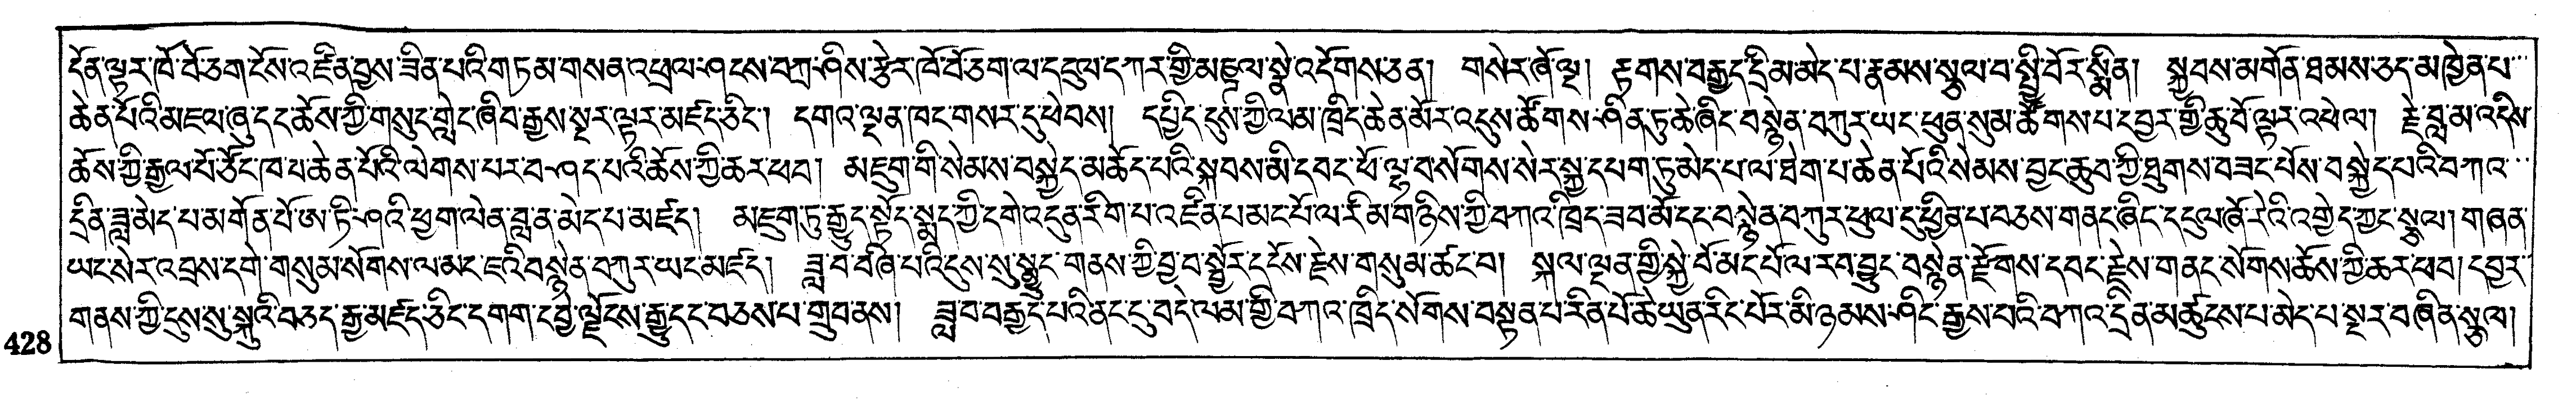དོན་ལྷར་ཁོ་བོ་ཅག་ངོས་འཛིན་བྱས་ཟིན་བའི་གཏམ་གསན་འཕྲལ་ཤངས་བཀྲ་ཤིས་རྩེར་ཁོ་བོ་ཅག་ལ་དངུལ་དཀར་གྱི་མཎྜལ་སྣེ་འདོགས་ཅན། གསེར་ཞོ་ལྔ། རྟགས་བརྒྱད་དྲི་མ་མེད་བ་རྣམས་སྩལ་བ་སྤྱི་བོར་སྨིན། སྐྱབས་མགོན་ཐམས་ཅད་མཁྱེན་པ་
ཆེན་པོའི་མཇལ་ཞུ་དང་ཆོས་ཀྱི་གསུང་གླེང་ཞིབ་རྒྱས་སྔར་ལྟར་མཛད་ཅིང་། དགའ་ལྡན་ཁང་གསར་དུ་ཕེབས། དཔྱིད་དུས་ཀྱི་ལམ་ཁྲིད་ཆེན་མོར་འདུས་ཚོགས་ཤིན་ཏུ་ཆེ་ཞིང་བསྙེན་བཀུར་ཡང་ཕུན་སུམ་ཚོགས་པ་དབྱར་གྱི་ཆུ་བོ་ལྟང་འཕེལ། རྗེ་བླ་མ་འདིས་
ཆོས་ཀྱི་རྒྱལ་པོ་ཙོང་ཁ་བ་ཆེན་པོའི་ལེགས་པར་བཤད་པའི་ཆོས་ཀྱི་ཆར་ཕབ། མཇུག་གི་སེམས་བསྐྱེད་མཆོད་པའི་སྐབས་མི་དབང་ཕོ་ལྷ་བ་སོགས་སེར་སྐྱ་དཔག་ཏུ་མེད་པ་ལ་ཐེག་པ་ཆེན་པོའི་སེམས་བྱང་ཆུབ་ཀྱི་ཐུགས་བཟང་པོས་བསྐྱེད་པའི་བཀའ་
དྲིན་ཟླ་མེད་བ་མགོན་བོ་ཨ་ཏི་ཤའི་ཕྱག་ལེན་བླ་ན་མེད་པ་མཛད། མཇུག་ཏུ་རྒྱུད་སྟོད་སྨད་ཀྱི་དགེ་འདུན་རིག་པ་འཛིན་པ་མང་པོ་ལ་རིམ་གཉིས་ཀྱི་བཀའ་ཁྲིད་ཟབ་མོ་དང་བསྙེན་བཀུར་ཕུལ་དུ་ཕྱིན་བ་བཅས་གནང་ཞིང་དངུལ་ཞོ་རེའི་འགྱེད་ཀྱང་སྩལ། གཞན་
ཡང་སེར་འབྲས་དགེ་གསུམ་སོགས་ལ་མང་ཇའི་བསྙེན་བཀུར་ཡང་མཛད། ཟླ་བ་བཞི་པའི་དུས་སུ་སྨྱུང་གནས་ཀྱི་བྱ་བ་སྦྱོར་དངོས་རྗེས་གསུམ་ཚང་བ། སྐལ་ལྡན་གྱི་སྐྱེ་བོ་མང་བོ་ལ་རབ་བྱུང་བསྙེན་རྫོགས་དབང་རྗེས་གནང་སོགས་ཆོས་ཀྱི་ཆར་ཕབ། དབྱར་
གནས་ཀྱི་དུས་སུ་སྐུའི་བཅད་རྒྱ་མཛད་ཅིང་དགག་དབྱེ་ལྗོངས་རྒྱུ་དང་བཅས་པ་གྲུབ་ནས། ཟླ་བ་བརྒྱད་པའི་ནང་དུ་བདེ་ལམ་གྱི་བཀའ་ཁྲིད་སོགས་བསྟན་པ་རིན་པོ་ཆེ་ཡུན་རིང་པོར་མི་ཉམས་ཤིང་རྒྱས་པའི་བཀའ་དྲིན་མཚུངས་པ་མེད་བ་སྔར་བཞིན་སྩལ།